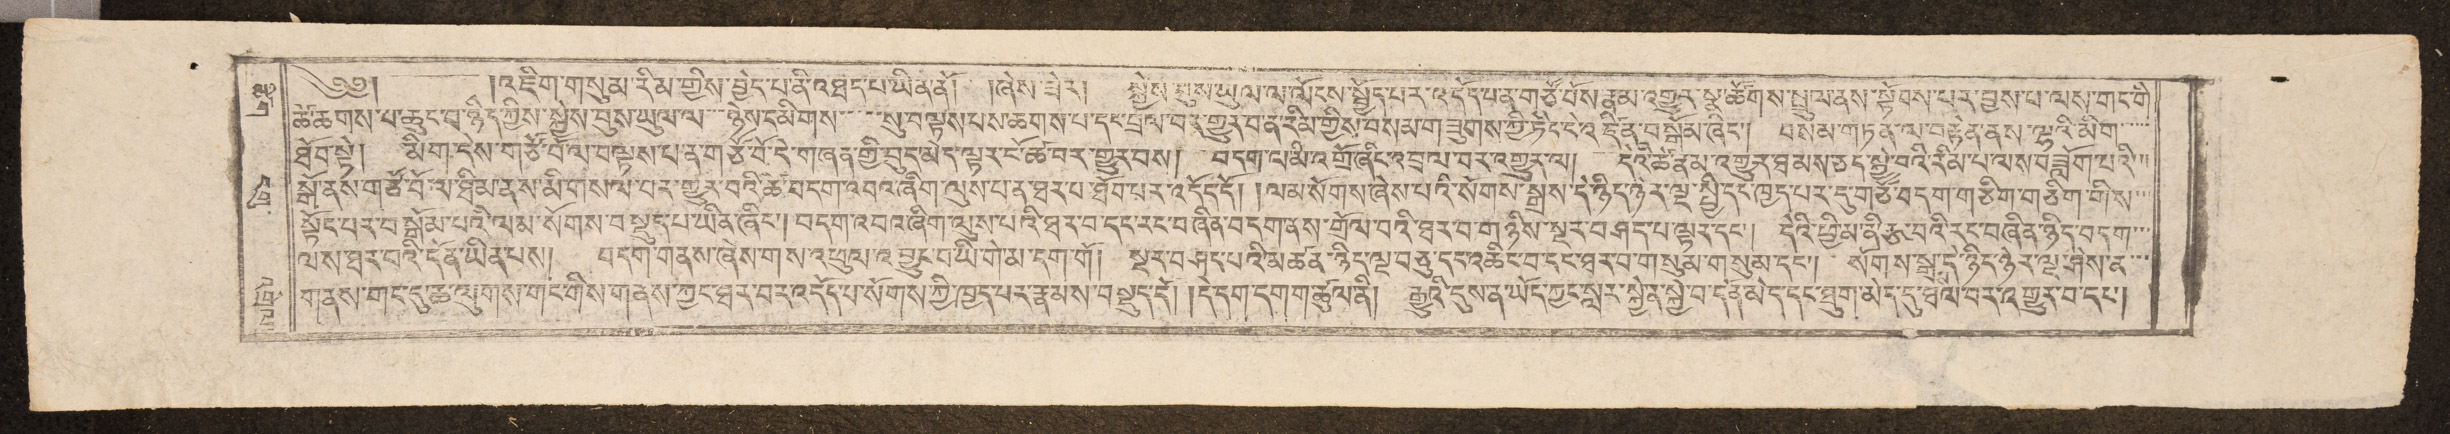༄༅། །འཇིག་གསུམ་རིམ་གྱིས་བྱེད་པ་ནི་འཐད་པ་ཡིན་ནོ། །ཞེས་ཟེར། སྐྱེས་བུས་ཡུལ་ལ་ལོངས་སྤྱོད་པར་འདོད་པན་གཙོ་བོས་རྣམ་འགྱུར་སྣ་ཚོགས་སྤྲུལ་ནས་སྟོབས་པར་བྱས་པ་ལས་གང་གི་
ཚེ་ཆགས་པ་ཆུང་བ་ཉིད་ཀྱིས་སྐྱེས་བུས་ཡུལ་ལ་ཉེས་དམིགས་སུ་བལྟས་པས་ཆགས་པ་དང་བྲལ་བར་གྱུར་བ་ན་རིམ་གྱིས་བསམ་གཟུགས་ཀྱི་ཏིང་ངེ་འཛིན་བསྒོམ་ཞིང་། བསམ་གཏན་ལ་བརྟེན་ནས་ལྷའི་མིག་
ཐོབ་སྟེ། མིག་ངེས་གཙོ་བོ་ལ་བལྟས་པ་ན་གཙོ་བོ་དེ་གཞན་གྱི་བུད་མེད་ལྟར་ངོ་ཚ་བར་གྱུར་བས། བདག་ལ་མི་འགྲོ་ཞིང་འབྲལ་བར་འགྱུར་ལ། དེའི་ཚེ་རྣམ་འགྱུར་ཐམས་ཅད་སྐྱེ་བའི་རིམ་པ་ལས་བཟློག་པའི་
སྒོ་ནས་གཙོ་བོ་ལ་ཐིམ་ནས་མི་གསལ་བར་གྱུར་བའི་ཚེ་བདག་འབའ་ཞིག་ལུས་པ་ན་ཐར་པ་ཐོབ་པར་འདོད་དོ། །ལམ་སོགས་ཞེས་པའི་སོགས་སྒྲས་དེ་ཉིད་ཉེར་ལྔ་སྤྱི་དང་ཁྱད་པར་དུ་གཙོ་བདག་གཅིག་གཅིག་གིས་
སྟོང་པར་བསྒོམ་པའི་ལམ་སོགས་བསྡུད་པ་ཡིན་ཞིང་། བདག་འབའ་ཞིག་ལུས་པའི་ཐར་བ་དང་རང་བཞིན་བདག་ནས་གྲོལ་བའི་ཐར་བ་གཉིས་སྔར་བཤད་པ་ལྟར་དང་། དེའི་ཕྱི་མ་ནི་རྩ་བའི་རང་བཞིན་ཉིད་བདག་
ལས་ཐར་བའི་དོན་ཡིན་པས། བདག་གནས་ཞེས་གས་འཕུལ་འབྱུང་བ་ཡི་གེ་མ་དག་གོ། སྔར་བཤད་པའི་མཚན་ཉིད་ལྔ་བཅུ་དང་འཆིང་བ་དང་ཐར་བ་གསུམ་གསུམ་དང་། སོགས་སྒྲས་དེ་ཉིད་ཉེར་ལྔ་ཤེས་ན་
གནས་གང་དུ་ཆ་ལུགས་གང་གིས་གནས་ཀྱང་ཐར་བར་འདོད་པ་སོགས་ཀྱི་ཁྱད་པར་རྣམས་བསྡུད་དོ། །དེ་དག་དགག་ཚུལ་ནི། རྒྱུའི་དུས་ན་ཡོད་ཀྱང་སླར་སྐྱེ་ན་སྐྱེ་བ་དོན་མེད་དང་ཐུག་མེད་དུ་ཐལ་བར་འགྱུར་བ་དང་།